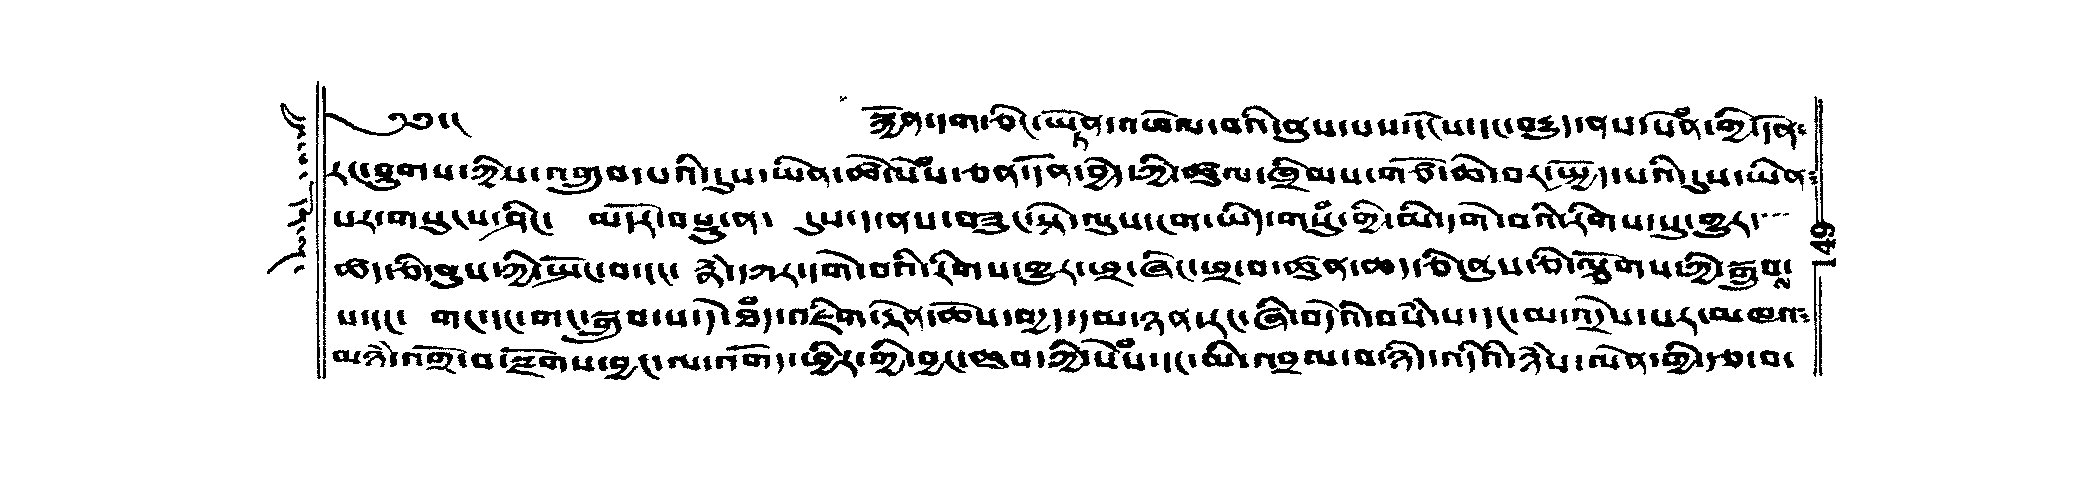སྐྱོན་དག་ཅིང་ཡོན་ཏན་འཕེལ་བའི་ནུས་པས་དངོས་དང་བརྒྱུད་ནས་སེམས་ཅན་གྱི་དོན་
རང་ཤུགས་ཀྱིས་འགྲུབ་པའི་དུས་ཡིན་ཚེ་སེམས་ཅན་དོན་བྱེད་ཀྱི་ཚུལ་ཁྲིམས་གཙོ་ཆེ་བར་སྤྱོད་པའི་དུས་ཡིན་
པར་གསུངས་ཤིང་། མདོར་བསྡུ་ན། དུས་ད་ནས་བཟུང་སྟེ་ལུས་ངག་ཡིད་གསུམ་གྱི་མི་དགེ་བའི་རིགས་སུ་གྱུར་
ཚད་ཅི་ནུས་ཀྱི་སྤོང་བ་དང་། རྣམ་དཀར་དགེ་བའི་རིགས་གྱུར་ཕྲ་ཞིང་ཕྲ་བ་ཚུན་ཆད་ཅི་ནུས་ཅི་ལྕོགས་ཀྱི་སྒྲུབས་
པ་དང་།གང་དང་གང་སྒྲུབ་པ་དེ་ཐམས་ཅད་འཇིག་རྟེན་ཆོས་བརྒྱད་དམ་ཉན་རང་ཞི་བདེའི་བསམ་པ་དང་མ་འདྲེས་པར་མཁའ་
མཉམ་འགྲོ་བ་རྫོགས་བྱང་ལ་གོད་ཕྱིར་གྱི་བྱང་ཆུབ་ཀྱི་སེམས་དང་མི་འབྲལ་བ་ཉིད་འདིའི་ཉམས་ལེན་གྱི་རྩ་བ་